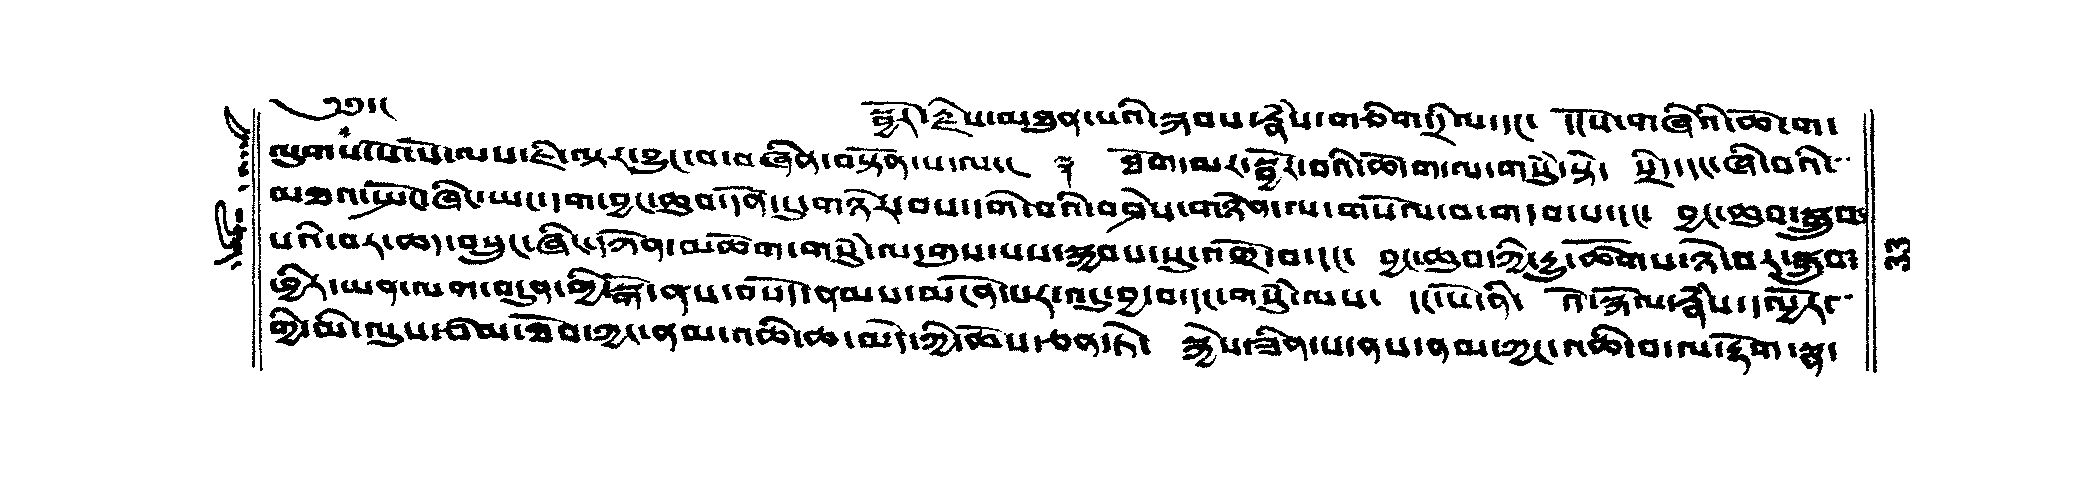སྦྱོར་རྗེས་མཐུན་པའི་སྐབས་རྣམས་གཅིག་དྲིལ་དང་། དངོས་གཞིའི་ཆོ་ག་
ལུགས་སོ་སོ་ལས་ཇི་ལྟར་བྱུང་བ་བཞིན་བསྟོན་པ་ལ། ༈ ཐོག་མར་སྦྱོར་བའི་ཆོ་ག་ལ་གསུམ་སྟེ། སྲིད་དང་ཞི་བའི་
མཐའ་སྤོང་ཞིང་ཡང་དག་བྱང་ཆུབ་དོན་དུ་གཉེར་བས་དགེ་བའི་བཤེས་གཉེན་ལ་གསོལ་བ་གདབ་པ་དང་། བྱང་ཆུབ་སྒྲུབ་
པའི་བར་ཆད་བསྲུང་ཞིང་དཀོན་མཆོག་གསུམ་ལ་གུས་པས་སྐྱབས་སུ་འགྲོ་བ་དང་། བྱང་ཆུབ་ཀྱི་རྒྱུ་ཚོགས་ཉེ་བར་སྒྲུབ་
ཕྱིར་ཡན་ལག་བདུན་གྱི་སྒོ་ནས་བསོད་ནམས་མངོན་པར་འདུ་བྱ་བ་དང་གསུམ་ལས།དང་པོ་ནི། འོ་སྐོལ་རྣམས་དལ་འབྱོར་
གྱི་མི་ལུས་ཙམ་ཐོབ་ཀྱང་ནམ་འཆི་ཆ་མེད་ཀྱི་ཆོས་ཅན་ཏེ། སྐྱེས་ཟིན་པ་ནས་ནམ་ཡང་འཆི་བ་ལ་རྡོག་སྣ་